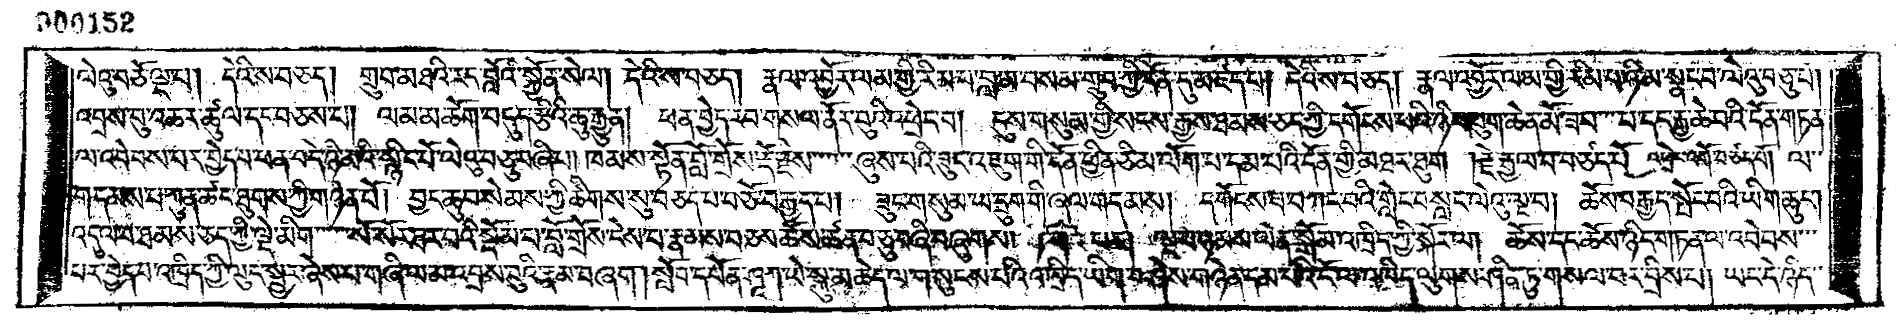ལེའུ་བཅོ་ལྔ་པ། དེའི་ས་བཅད། གྲུབ་མཐའི་རང་བློའི་སྐྱོན་སེལ། དེའི་ས་བཅད། རྣལ་འབྱོར་ལམ་གྱི་རིམ་པ་བླ་མ་བསམ་གྲུབ་ཀྱི་དོན་དུ་མཛད་པ། དེའི་ས་བཅད། རྣལ་འབྱོར་ལམ་གྱི་རིམ་པ་ཉི་མ་སྣང་བ་ལེའུ་བཅུ་པ།
འབྲས་བུ་འཆར་ཚུལ་དང་བཅས་པ། ལམ་མཆོག་བདུད་རྩིའི་ཆུ་རྒྱུན། ཕན་བྱེད་རབ་གསལ་ནོར་བུའི་འཕྲེང་བ། དུས་གསུམ་གྱི་སངས་རྒྱས་ཐམས་ཅད་ཀྱི་དགོངས་པའི་ཉིང་ཁུག་ཆེན་མོ་ཟབ་པ་དང་རྒྱ་ཆེ་བའི་དོན་གཏན་
ལ་འབེབས་པར་བྱེད་པ་ཕན་བདེ་ཉི་མའི་སྙིང་པོ་ལེའུ་བཅུ་བཞི་པ། ཁས་སྟོན་བློ་གྲོས་རྡོ་རྗེས་ཞུས་པའི་ཟུང་འཇུག་གི་དོན་ཕྱིན་ཅི་མ་ལོག་པ་དམ་པའི་དོན་གྱི་མཐར་ཐུག །རྗེ་རྒྱལ་བ་བཙད་པོ་འཕྲེང་འགོ་བཙད་བོ།  ལ་
གདམས་པ་ཀུན་ཚང་ཐུགས་ཀྱི་གཉེན་པོ། བྱང་ཆུབ་སེམས་ཀྱི་ཚིགས་སུ་བཅད་པ་བཅོ་བརྒྱད་པ། ཟུང་གསུམ་ཡ་དྲུག་གི་ཞལ་གདམས། དགོངས་པ་བཀང་བའི་གླེང་བསླང་ལེའུ་ལྔ་པ། ཆོས་བརྒྱད་སྤོང་བའི་ཡིག་ཆུང་།
འདུལ་བ་ཐམས་ཅད་ཀྱི་ལྡེ་མིག་སོ་སོར་ཐར་བའི་སྡོམ་པ་བློ་གྲོས་ངེས་པ་རྣམས་བཅས་ཆོས་ཚན་བཅུ་བཞི་བཞུགས། ༼ག༽ པར། ལྔ་པ་ཉམས་ལེན་སྒོམ་འཁྲིད་ཀྱི་སྐོར་ལ། ཆོས་དང་ཆོས་ཉིད་གཏན་ལ་འབེབས་
པར་བྱེད་པ་འཁྲིད་ཀྱི་ལུང་སྦྱར་ཞེས་པ་གཞི་ལམ་འབྲས་བུའི་རྣམ་བཞག །སློབ་དཔོན་ཤཱཀ་ཡེ་སྐུ་མཆེད་ལ་གསུངས་པའི་འཁྲིད་ཡིག་བཤེས་གཉེན་དམ་པའི་ངོ་ལ་འཁྲིད་ལུགས་ཤིན་ཏུ་གསལ་བར་བྲིས་པ། ཡང་དེ་ཉིད་